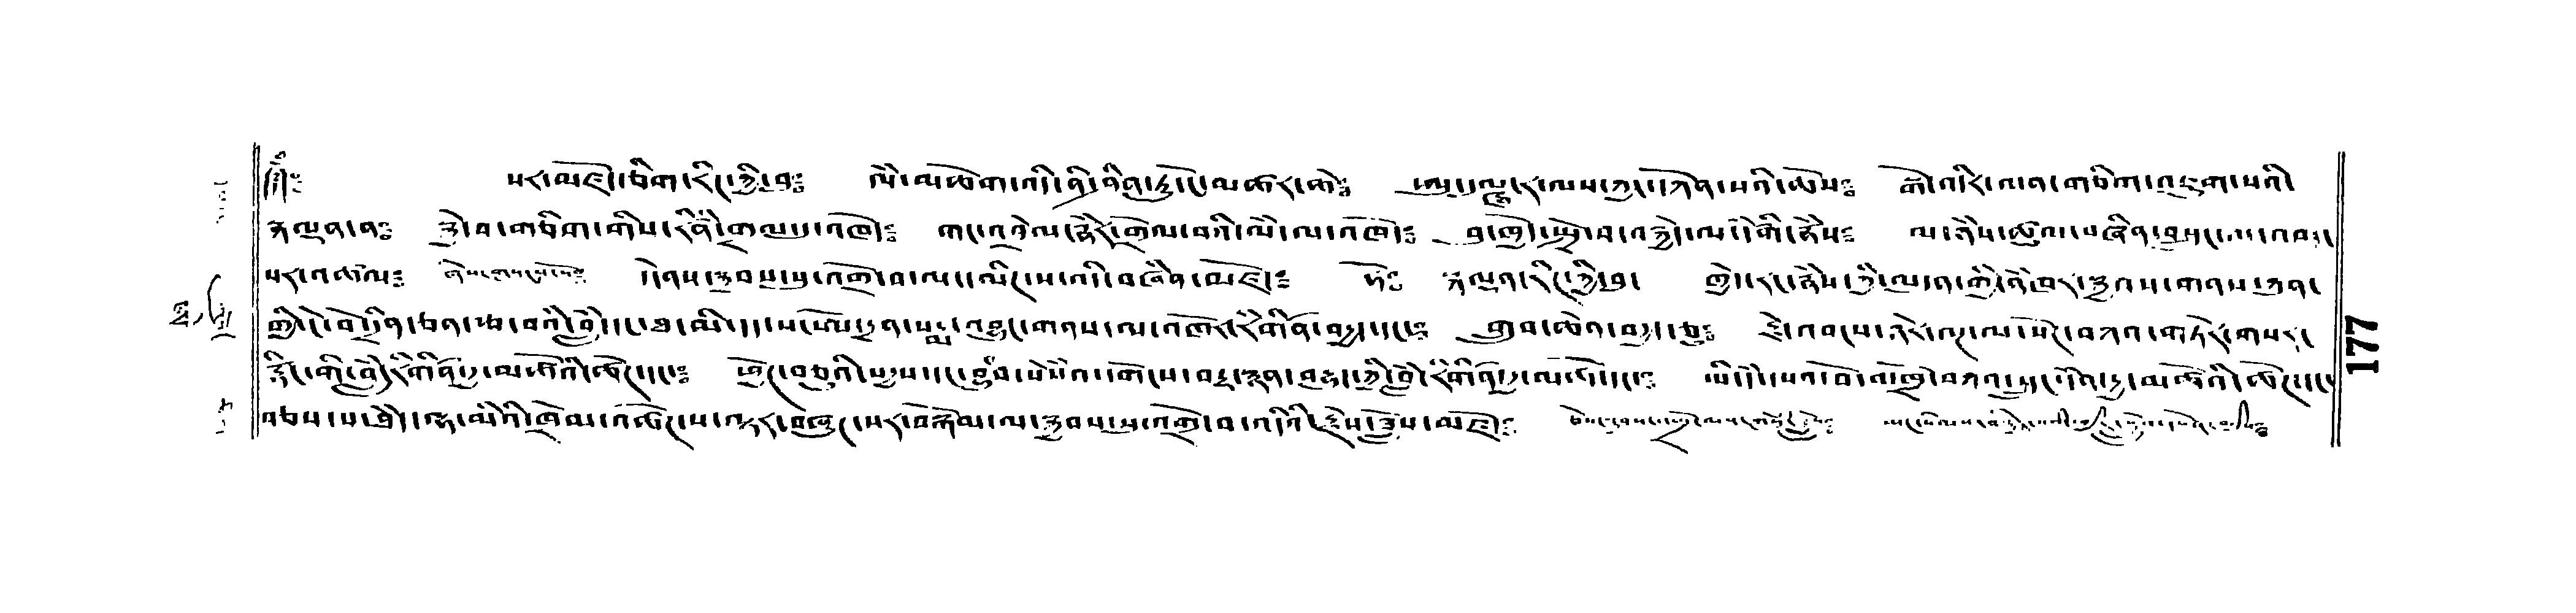པར་མཛོད་ཅིག་རིགས་ཀྱི་བུ༔ ལམ་མཆོག་འདི་ནི་ཤིན་ཏུ་ངོ་མཚར་ཆེ༔ ཨུ་དུམ་ཝ་ར་ལས་ཀྱང་དཀོན་པའི་ཆོས༔ སྒོ་འདིར་ལན་གཅིག་འཇུག་པའི་
སྐལ་ལྡན་ན༔ སྐྱེ་བ་གཅིག་གིས་རིག་འཛིན་གྲལ་དུ་འཁོད༔ གང་འབྲེལ་རྣལ་འབྱོར་གྲོལ་བའི་ལམ་ལ་འཁོད༔ བུ་ཁྱོད་སྤྲོ་བ་བསྐྱེད་ལ་དམ་ཚིག་རྣམས༔ མ་ཉམས་ཚུལ་བཞིན་བསྲུངས་ལ་འབད་
པར་འཚལ༔ ཞེས་གསུངས་སོ༔ དེ་ནས་སྐྱབས་སུ་འགྲོ་བ་ལ་དམིགས་པ་འདི་བཞིན་མཛོད༔ ཧོཿ སྐལ་ལྡན་རིགས་ཀྱི་བུ༔ ཁྱེད་རང་རྣམས་ཀྱི་མདུན་གྱི་ནམ་མཁར་སྐྱབས་གནས་ཀུན་
གྱི་ངོ་བོ་དྲིན་ཅན་རྩ་བའི་བླ་མ་དང་ཐ་མི་དད་པ་ཨོ་རྒྱན་པདྨ་འབྱུང་གནས་ལ་འཁོར་རིག་འཛིན་བརྒྱད་དང༔ གྲུབ་ཆེན་བརྒྱད་ཅུ༔ རྗེ་འབངས་ཉེར་ལྔ་ལ་སོགས་བཀའ་གཏེར་གསར་
རྙིང་གི་བླ་མ་རིག་འཛིན་རྒྱ་མཚོའི་ཚོགས་དང༔ ཕྱོགས་བཅུའི་སངས་རྒྱས་དང་བྱང་ཆུབ་སེམས་དཔའ་དགོངས་བརྡ་སྙན་བརྒྱུད་ཀྱི་བླ་མ་རིག་འཛིན་རྒྱ་མཚོ་དང༔ ཡི་དམ་དཔའ་བོ་མཁའ་འགྲོ་བཀའ་སྲུང་དམ་ཅན་རྒྱ་མཚོའི་ཚོགས་དང་
བཅས་པ་ཐམས་ཅད་ལྷ་མིའི་ཁྲོམ་འཚོགས་པ་ལྟར་བཞུགས་པར་བསྒོམས་ལ་སྐྱབས་སུ་འགྲོ་བ་འདིའི་རྗེས་ཟློས་མཛོད༔ ཅེས་སྐྱབས་འགྲོ་ལན་གསུམ་ཟློས༔ ཡང་སེམས་བསྐྱེད་པའི་ཕྱིར་་སློབ་དཔོན་གྱིསཿ